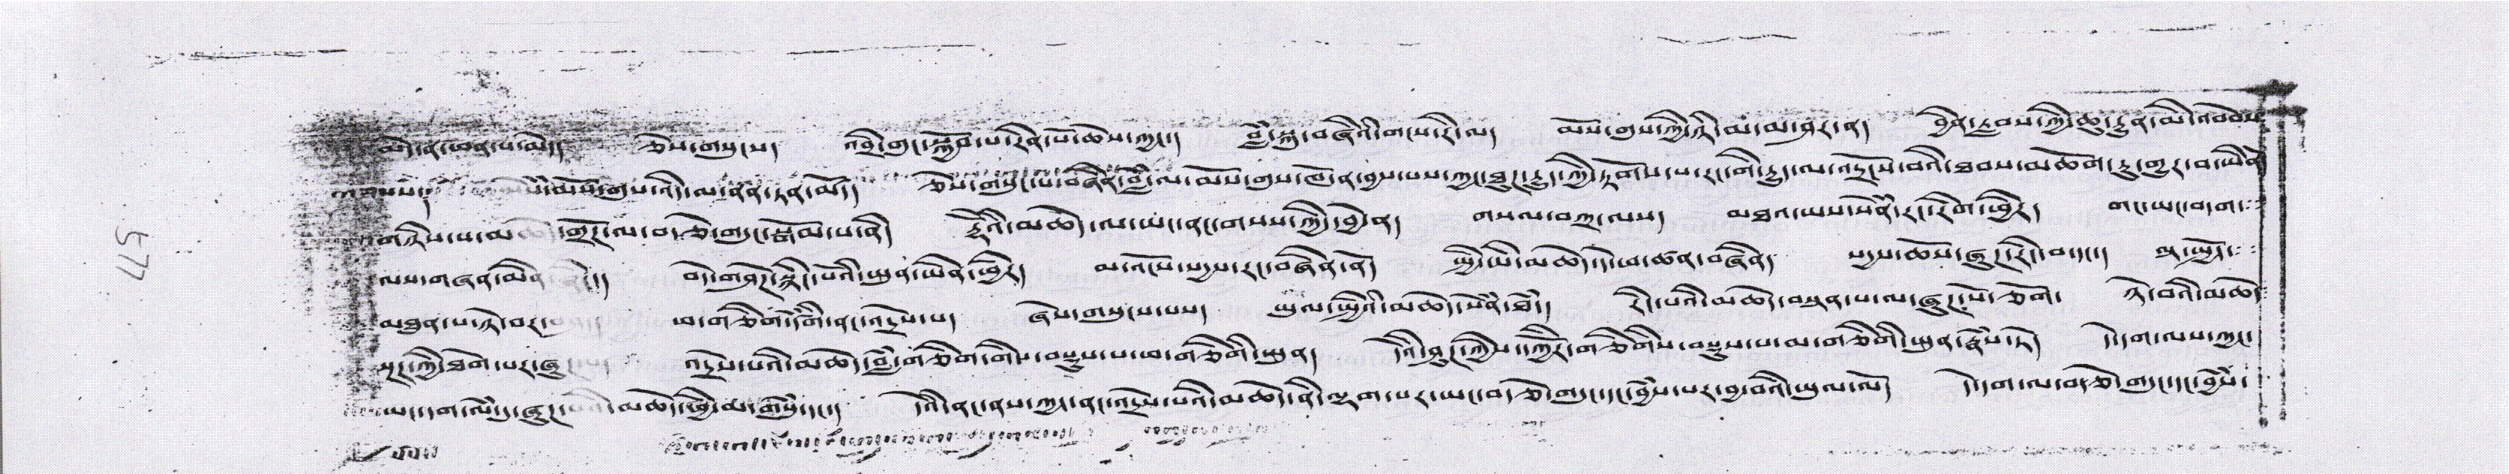མེད་ན་ཕན་པ་མེད་ཅེས་གསུངས། །འབྲི་གུང་སྐྱོབས་པ་རིན་པོ་ཆེས་ཀྱང་། བླ་མ་སྐུ་བཞིའི་གངས་རི་ལ། །མོས་གུས་ཀྱི་ཉི་མ་མ་ཤར་ན། །བྱིན་རླབས་ཀྱི་ཆུ་རྒྱུན་མི་འབེབས་
པས། །མོས་གུས་འདི་ལ་ནན་ཏན་མཛོད། །ཅེས་གསུངས་པ་བཞིན་བླ་མ་མོས་གུས་ཁོ་ན་བྱས་པས་ཀྱང་ཐུགས་རྒྱུད་ཀྱི་རྟོགས་པ་རང་གི་རྒྱུད་ལ་འདྲོངས་པའི་ཐབས་མཆོག་ཏུ་གྱུར་པ་ཡིན་ནོ། །
གཉིས་པ་མཆེད་གྲོགས་ལ་བརྩེ་དུང་བསྒོམ་པ་ནི། རྡོ་རྗེའི་མཆེད་ལའང་ནང་གསེས་ཀྱིས་དབྱེ་ན། གསལ་བཀྲ་ལས། མཐའ་ཡས་སེམས་ཅན་རང་རིག་ཕྱིར། །གང་ཡང་བདག་
ལས་གཞན་མིན་ཞིང་། །བདེ་གཤེགས་སྙིང་པོའི་སྤུན་ཡིན་ཕྱིར། །མ་འོངས་སངས་རྒྱས་རང་བཞིན་ནོ། །སྤྱི་ཡི་མཆེད་དེ་ཕ་ཚན་བཞིན། །སངས་རྒྱས་ཆོས་ཞུགས་རིང་བ་དང་། །ལྟ་སྤྱོད་
མཐུན་པ་ཉེ་བར་བཤད། །ཕ་གཅིག་དམ་ཚིག་ནང་འདྲེས་པ། །ཞེས་གསུངས་པས། ཡུལ་སྤྱིའི་མཆེད་སེམས་ཅན་ཐམས་ཅད། རིང་བའི་མཆེད་བསྟན་པ་ལ་ཞུགས་སོ་ཅོག ཉེ་བའི་མཆེད་
སྔགས་ཀྱི་ཐེག་པར་ཞུགས་པ། འདྲེས་པའི་མཆེད་བླ་མ་གཅིག་གིས་བསྡུས་པ་ཕ གཅིག་གི་སྤུན། །དེའི་ཤུགས་ཀྱིས་དཀྱིལ་འཁོར་གཅིག་གིས་བསྡུས་པ་མ་གཅིག་གི་སྤུན་རྣམས་ཏེ། དེ་དག་ལས་ཀྱང་
ཡང་དག་ལམ་ཞུགས་པའི་མཆེད་ཕྱི་མ་གསུམ་དང་། དེའི་ནང་ནས་ཀྱང་ནང་འདྲེས་པའི་མཆེད་ནི་ལྷག་པར་ཡང་བརྩེ་དུང་དང་བྱམས་པར་བྱ་བའི་ཡུལ་ལོ། །དེ་དག་ལ་བརྩེ་དུང་དང་བྱམས་